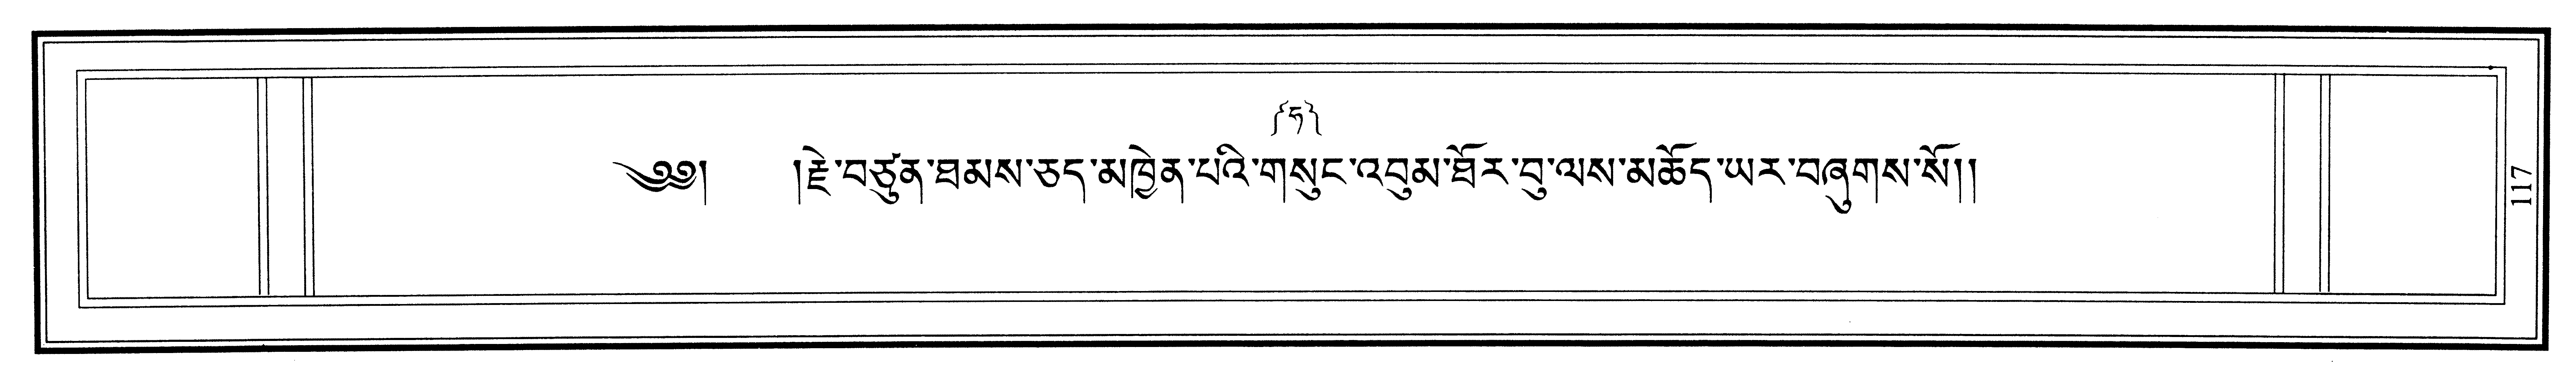༄༅། །རྗེ་བཙུན་ཐམས་ཅད་མཁྱེན་པའི་གསུང་འབུམ་ཐོར་བུ་ལས་མཆོད་ཡར་བཞུགས་སོ།།